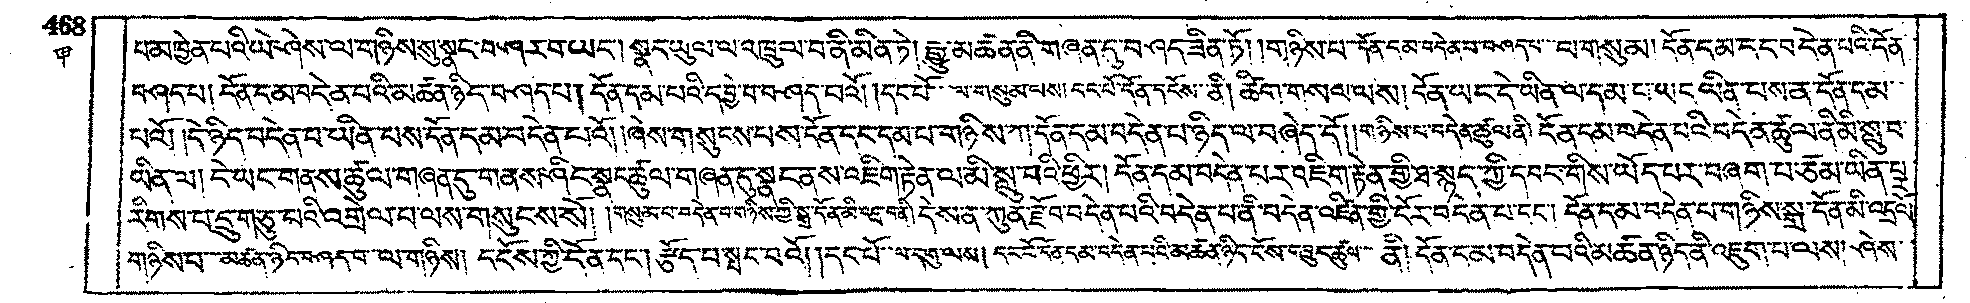པ་མཁྱེན་པའི་ཡེ་ཤེས་ལ་གཉིས་སུ་སྣང་བཤར་བ་ཡང་། སྣང་ཡུལ་ལ་འཁྲུལ་བ་ནི་མིན་ཏེ། རྒྱུ་མཚན་ནི་གཞན་དུ་བཤད་ཟིན་ཏོ། །གཉིས་པདོན་དམ་བདེན་པ་བཤད་པ་ལ་གསུམ། དོན་དམ་དང་བདེན་པའི་དོན་
བཤད་པ། དོན་དམ་བདེན་པའི་མཚན་ཉིད་བཤད་པ། དོན་དམ་པའི་དབྱེ་བ་བཤད་པའོ། །དང་པོལ་གསུམ་ལས། དང་པོ་དོན་དངོསནི། ཚིག་གསལ་ལས། དོན་ཡང་དེ་ཡིན་ལ་དམ་པ་ཡང་ཡིན་པས་ན་དོན་དམ་
པའོ། །དེ་ཉིད་བདེན་པ་ཡིན་པས་དོན་དམ་བདེན་པའོ། །ཞེས་གསུངས་པས་དོན་དང་དམ་པ་གཉིས་ཀ་དོན་དམ་བདེན་པ་ཉིད་ལ་བཞེད་དོ། །གཉིས་པ་བདེན་ཚུལ་ནི།  དོན་དམ་བདེན་པའི་བདེན་ཚུལ་ནི་མི་སླུ་བ་
ཡིན་ལ། དེ་ཡང་གནས་ཚུལ་གཞན་དུ་གནས་ཤིང་སྣང་ཚུལ་གཞན་དུ་སྣང་ནས་འཇིག་རྟེན་ལ་མི་སླུ་བའི་ཕྱིར། དོན་དམ་བདེན་པར་འཇིག་རྟེན་གྱི་ཐ་སྙད་ཀྱི་དབང་གིས་ཡོད་པར་བཞག་པ་ཙམ་ཡིན་པར་
རིགས་པ་དྲུག་ཅུ་པའི་འགྲེལ་པ་ལས་གསུངས་སོ། །གསུམ་པ་བདེན་པ་གཉིས་ཀྱི་སྒྲ་དོན་མི་འདྲ་བ་ནི།  དེས་ན་ཀུན་རྫོབ་བདེན་པའི་བདེན་པ་ནི་བདེན་འཛིན་གྱི་ངོར་བདེན་པ་དང་། དོན་དམ་བདེན་པ་གཉིས་སྒྲ་དོན་མི་འདྲའོ།
གཉིས་པམཚན་ཉིད་བཤད་པལ་གཉིས། དངོས་ཀྱི་དོན་དང་། རྩོད་པ་སྤང་བའོ། །དང་པོལ་དགུ་ལས། དང་པོ་དོན་དམ་བདེན་པའི་མཚན་ཉིད་ངོས་གཟུང་ཚུལནི། དོན་དམ་བདེན་པའི་མཚན་ཉིད་ནི་འཇུག་པ་ལས། ཤེས་